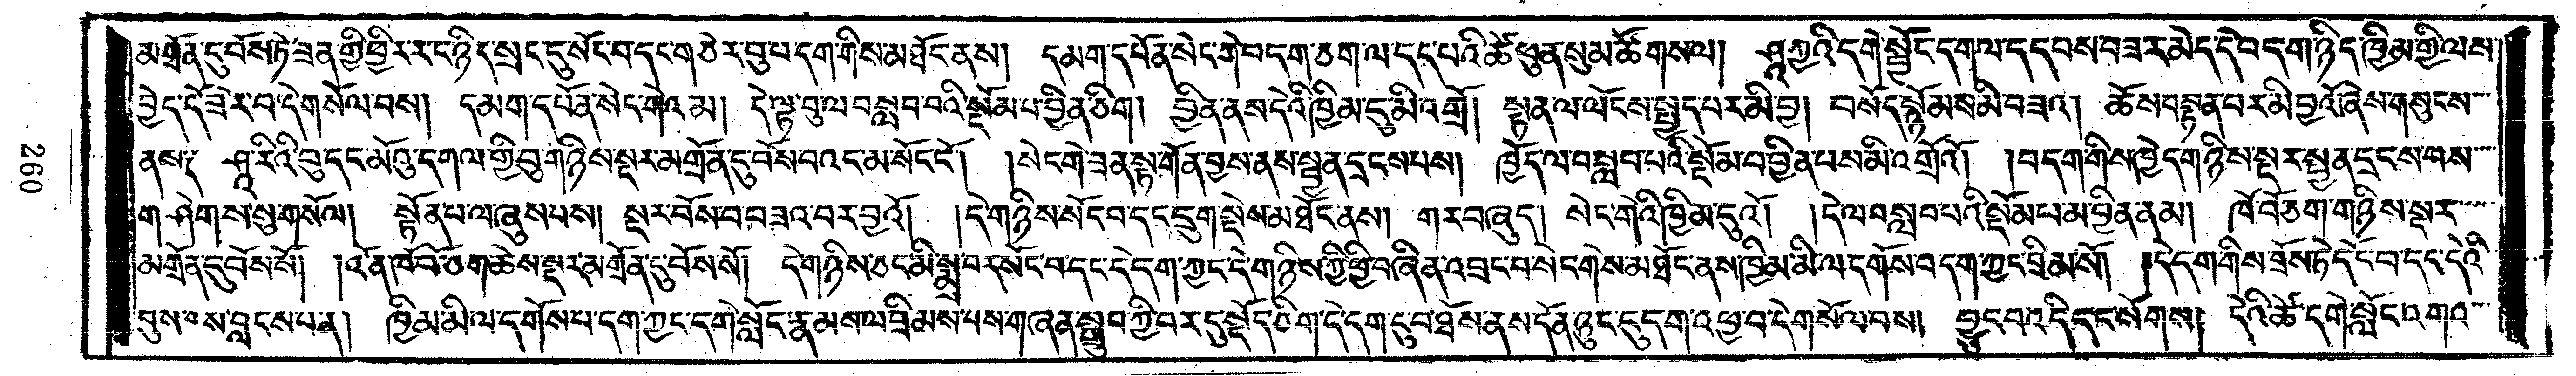མགྲོན་དུ་བོས་ཏེ་ཟན་གྱི་ཕྱིར་རང་ཉིད་སྲང་དུ་སོང་བ་དང་གཅེར་བུ་བ་དག་གིས་མཐོང་ནས། དམག་དཔོན་སེང་གེ་བདག་ཅག་ལ་དད་པའི་ཚེ་ཕུན་སུམ་ཚོགས་ལ། ཤཱཀྱའི་དགེ་སྦྱོང་དགལ་དད་པས་བཟར་མེད་དེ་བདག་ཉིད་ཁྱིམ་གྱི་ལས་
བྱེད་དོ་ཟེར་བ་དེ་གསོལ་བས། དམག་དཔོན་སེང་གེའམ། དེ་ལྟ་བུ་ལ་བསླབ་པའི་སྡོམ་པ་བྱིན་ཅིག། བྱིན་ནས་དེའི་ཁྱིམ་དུ་མི་འགྲོ། སྟན་ལ་ལོངས་སྤྱད་པར་མི་བྱ། བསོད་སྙོམས་མི་བཟའ། ཆོས་བསྟན་པར་མི་བྱའོ་ཞེས་གསུངས་
ནས༑ ཤཱ་རིའི་བུ་དང་མོའུ་དགལ་གྱི་བུ་གཉིས་སྔར་མགྲོན་དུ་བོས་བའང་མ་སོང་ངོ། །སེང་གེ་ཟན་སྟ་གོན་བྱས་ནས་སྤྱན་དྲངས་པས། ཁྱོད་ལ་བསླབ་པའི་སྡོམ་པ་བྱིན་པས་མི་འགྲོའོ། །བདག་གིས་ཁྱེད་གཉིས་སྔར་སྤྱན་དྲངས་པས་
གཤེགས་སུ་གསོལ། སྟོན་པ་ལ་ཞུས་པས། སྔར་བོས་བ་བཟའ་བར་བྱའོ། །དེ་གཉིས་སོང་བ་དང་དྲུག་སྡེས་མཐོང་ནས། གར་བཞུད། སེང་གེའི་ཁྱིམ་དུའོ། །དེ་ལ་བསླབ་པའི་སྡོམ་པ་མ་བྱིན་ནམ། ཁོ་བོ་ཅག་གཉིས་སྔར་
མགྲོན་དུ་བོས་སོ། །འོ་ན་ཁོ་བོ་ཅག་ཆེས་སྔར་མགྲོན་དུ་བོས་སོ། དེ་གཉིས་ཅང་མི་སྨྲ་བར་སོང་བ་དང་དེ་དག་ཀྱང་དེ་གཉིས་ཀྱི་ཕྱི་བཞིན་འབྲང་བ་སེང་གེས་མཐོང་ནས་ཁྱིམ་མི་ལ་དགོས་བདག་ཀྱང་བྲིམ་སོ། །དེ་དག་གིས་བྲོས་ཏེ་དོང་བ་དང་དེའི་
བུས་བས་བླངས་པ་ན། ཁྱིམ་མི་ལ་དགོས་པ་དག་ཀྱང་དགེ་སློང་རྣམས་ལ་བྲིམས་པས་གཞན་སྒྲུབ་ཀྱི་བར་དུ་སྡོད་ཅིག་དེ་དག་ངུ་བ་ཐོས་ནས་དོན་ཉུང་དུ་དག་འཕྱ་བ་དེ་གསོལ་བས། བྱུང་བ་འདི་དང་སོགས། དེའི་ཚེ་དགེ་སློང་འགའ་